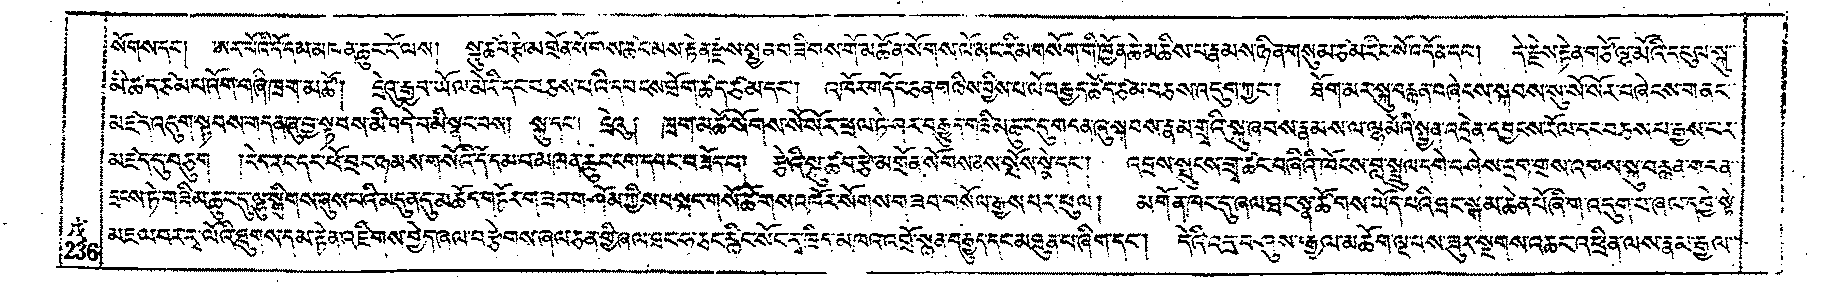སོགས་དང་། ཨར་པོའི་དོ་དམ་མཁན་ཆུང་ངོ་ལས། སྐུ་ཚབ་རྩེ་མགྲོན་སོགས་ཚང་མས་རྟེན་རྫས་སྤྱན་གཟིགས་གོ་མཚོན་སོགས་ལོ་མང་རིམ་གསོག་གི་ཁྱོན་ཆེ་མཆིས་པ་རྣམས་ཉིན་གསུམ་ཙམ་རིང་སོ་འདོན་དང་། དེ་རྗེས་རྟེན་གཙོ་ལྷ་མོའི་དངུལ་སྐུ་
མི་ཚད་ཙམ་པ་འོག་གཞི་ཁྲག་མཚོ། དྲེའུ་རྒྱབ་ཡོལ་མེ་རི་དང་བཅས་པའི་དཔངས་ཐོག་ཚད་ཙམ་དང་། འཁོར་གདོང་ཅན་གཉིས་བྱིས་པ་ལོ་བརྒྱད་ཚོད་ཙམ་བཅས་འདུག་ཀྱང་། ཐོག་མར་སྐུ་བརྙན་བཞེངས་སྐབས་སུ་སོ་སོར་བཞེངས་གནང་
མཛད་འདུག་སྟབས་གདན་ཞུ་བྱ་སྟབས་མི་བདེ་བ་མི་སྣང་བས། སྐུ་དང་། དྲེའུ། ཁྲག་མཚོ་སོགས་སོ་སོར་ཕྲལ་ཏེ་ཤར་བརྒྱུད་གཟིམ་ཆུང་དུ་གདན་ཞུ་སྐབས་རྣམ་གྲྭའི་སྐུ་ཞབས་རྣམས་ལ་ལྷ་མོའི་སྤྱན་འདྲེན་དབྱངས་རོལ་དང་བཅས་པ་རྒྱས་པར་
མཛད་དུ་བཅུག །ངེད་རང་དང་ཕོ་བྲང་ཉམས་གསོའི་དོ་དམ་པ་མཁན་ཆུང་ངག་དབང་བཟོད་པ། རྩེའི་སྐུ་ཚབ་རྩེ་མགྲོན་སོགས་ནས་སྤོས་སྣེ་དང་། འབྲས་སྤུངས་གྲྭ་ཚང་བཞིའི་ཁོངས་བླ་སྤྲུལ་དགེ་བཤེས་དྲག་གྲས་འགས་སྐུ་བརྙན་གདན་
དྲངས་ཏེ་གཟིམ་ཆུང་དུ་ལྷུ་སྒྲིགས་ཞུས་པའི་མདུན་དུ་མཆོད་གཏོར་གཟབ་གཤོམ་ཀྱིས་བསྐང་གསོ་ཚོགས་འཁོར་སོགས་གཟབ་གསོལ་རྒྱས་པར་ཕུལ། མགོན་ཁང་དུ་ཞལ་ཐང་སྣ་ཚོགས་ཡོད་པའི་ཐང་སྒམ་ཆེན་པོ་ཞིག་འདུག་པ་ཞལ་དབྱེ་སྟེ་
མཇལ་བར་རྭ་ལོའི་ཐུགས་དམ་རྟེན་འཇིགས་བྱེད་ཞལ་བརྩེགས་ཞལ་ཅན་གྱི་ཞལ་ཐང་ཧ་ཅང་རྙིང་སོང་རྭ་ཁྲིད་མཁའ་འགྲོ་སྙན་བརྒྱུད་དང་མཐུན་པ་ཞིག་དང་། དེའི་འདྲ་བཤུས ༧རྒྱལ་མཆོག་ལྔ་པས་ཟུར་སྔགས་འཆང་འཕྲིན་ལས་རྣམ་རྒྱལ་